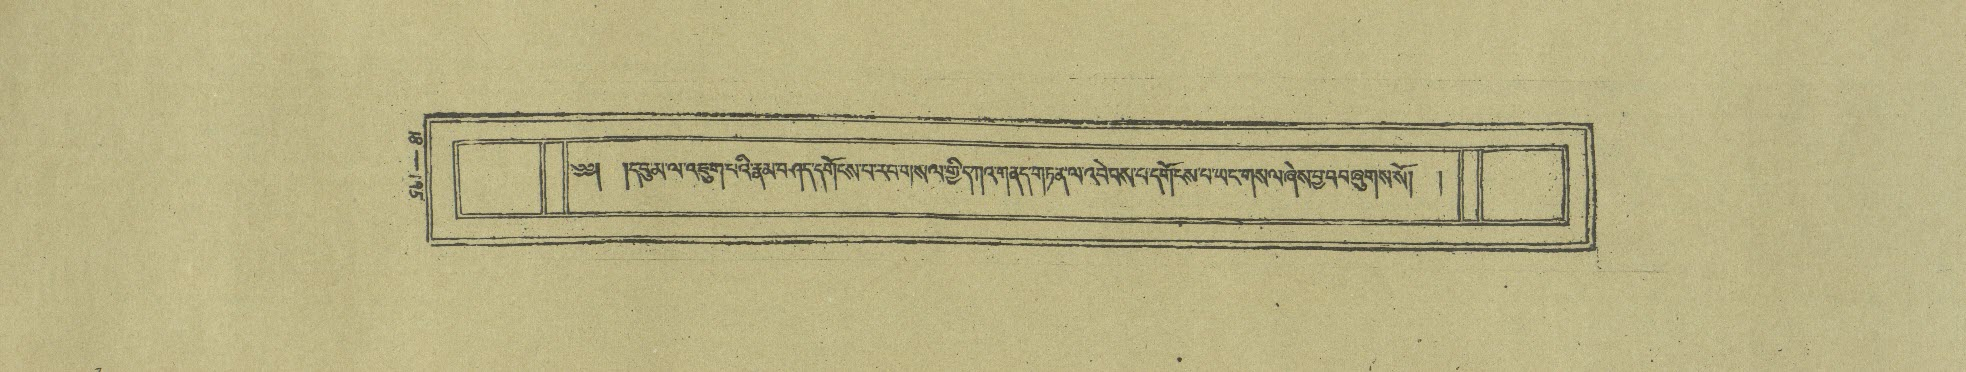༄༅། །དབུ་མ་ལ་འཇུག་པའི་རྣམ་བཤད་དགོངས་པ་རབ་གསལ་གྱི་དཀའ་གནད་གཏན་ལ་འབེབས་པ་དགོངས་པ་ཡང་གསལ་ཞེས་བྱ་བ་བཞུགས་སོ། །།